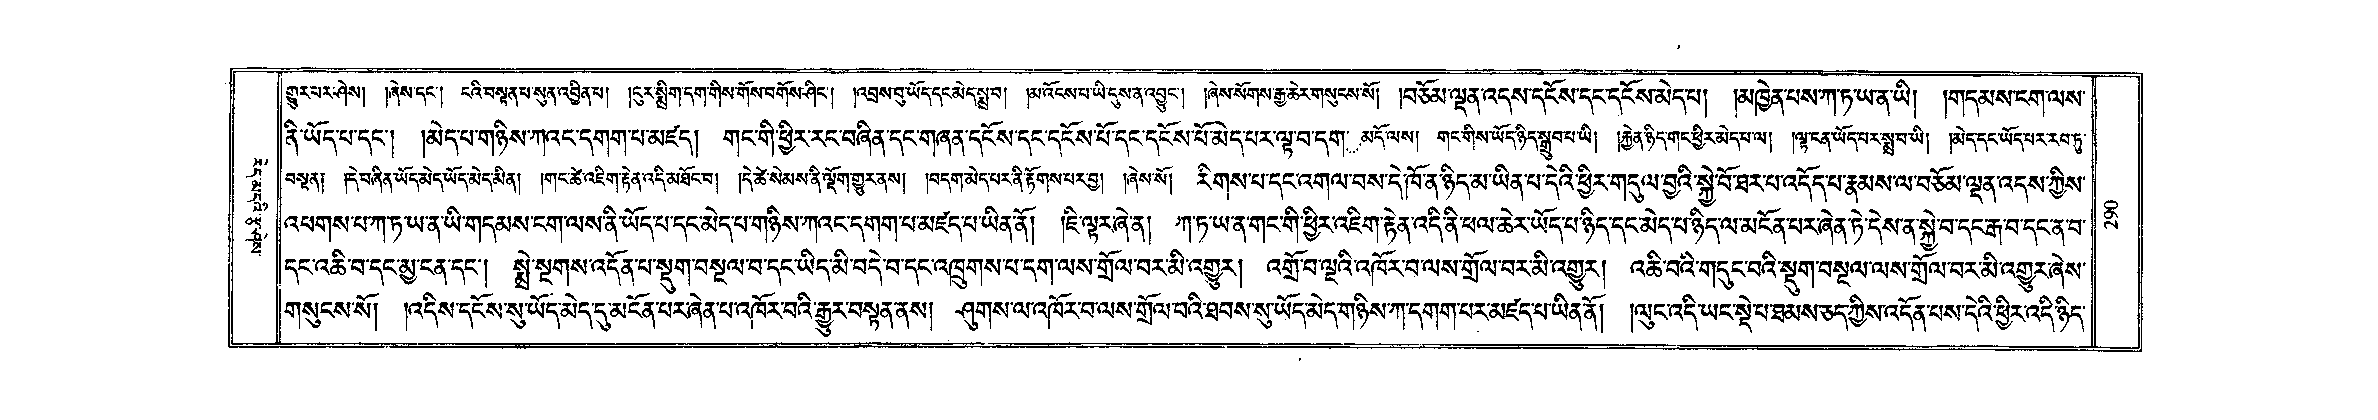གྱུར་པར་ཤེས། །ཞེས་དང་། ངའི་བསྟན་པ་སུན་འབྱིན་པ། །ངུར་སྨྲིག་དག་གིས་གོས་བགོས་ཤིང་། །འབྲས་བུ་ཡོད་དང་མེད་སྨྲ་བ། །མ་འོངས་པ་ཡི་དུས་ན་འབྱུང་། །ཞེས་སོགས་རྒྱ་ཆེར་གསུངས་སོ། །བཅོམ་ལྡན་འདས་དངོས་དང་དངོས་མེད་པ། །མཁྱེན་པས་ཀ་ཏ་ཡ་ན་ཡི། །གདམས་ངག་ལས་
ནི་ཡོད་པ་དང་། །མེད་པ་གཉིས་ཀའང་དགག་པ་མཛད། གང་གི་ཕྱིར་རང་བཞིན་དང་གཞན་དངོས་དང་དངོས་པོ་དང་དངོས་པོ་མེད་པར་ལྟ་བ་དག་མདོ་ལས། གང་གིས་ཡོད་ཉིད་སྒྲུབ་པ་ཡི། །རྐྱེན་ཉིད་གང་ཕྱིར་མེད་པ་ལ། །ལྟ་ངན་ཡོད་པར་སྨྲ་བ་ཡི། །མེད་དང་ཡོད་པར་རབ་ཏུ་
བསྟན། །དེ་བཞིན་ཡོད་མེད་ཡོད་མེད་མིན། །གང་ཚེ་འཇིག་རྟེན་འདི་མཐོང་བ། །དེ་ཚེ་སེམས་ནི་ལྡོག་གྱུར་ནས། །བདག་མེད་པར་ནི་རྟོགས་པར་བྱ། །ཞེས་སོ། རིགས་པ་དང་འགལ་བས་དེ་ཁོ་ན་ཉིད་མ་ཡིན་པ་དེའི་ཕྱིར་གདུལ་བྱའི་སྐྱེ་བོ་ཐར་པ་འདོད་པ་རྣམས་ལ་བཅོམ་ལྡན་འདས་ཀྱིས་
འཕགས་པ་ཀ་ཏ་ཡ་ན་ཡི་གདམས་ངག་ལས་ནི་ཡོད་པ་དང་མེད་པ་གཉིས་ཀའང་དགག་པ་མཛད་པ་ཡིན་ནོ། །ཇི་ལྟར་ཞེ་ན། ཀ་ཏ་ཡ་ན་གང་གི་ཕྱིར་འཇིག་རྟེན་འདི་ནི་ཕལ་ཆེར་ཡོད་པ་ཉིད་དང་མེད་པ་ཉིད་ལ་མངོན་པར་ཞེན་ཏེ་དེས་ན་སྐྱེ་བ་དང་རྒ་བ་དང་ན་བ་
དང་འཆི་བ་དང་མྱ་ངན་དང་། སྨྲེ་སྔགས་འདོན་པ་སྡུག་བསྔལ་བ་དང་ཡིད་མི་བདེ་བ་དང་འཁྲུགས་པ་དག་ལས་གྲོལ་བར་མི་འགྱུར། འགྲོ་བ་ལྔའི་འཁོར་བ་ལས་གྲོལ་བར་མི་འགྱུར། འཆི་བའི་གདུང་བའི་སྡུག་བསྔལ་ལས་གྲོལ་བར་མི་འགྱུར་ཞེས་
གསུངས་སོ། །འདིས་དངོས་སུ་ཡོད་མེད་དུ་མངོན་པར་ཞེན་པ་འཁོར་བའི་རྒྱུར་བསྟན་ནས། ཤུགས་ལ་འཁོར་བ་ལས་གྲོལ་བའི་ཐབས་སུ་ཡོད་མེད་གཉིས་ཀ་དགག་པར་མཛད་པ་ཡིན་ནོ། །ལུང་འདི་ཡང་སྡེ་བ་ཐམས་ཅད་ཀྱིས་འདོན་པས་དེའི་ཕྱིར་འདི་ཉིད་